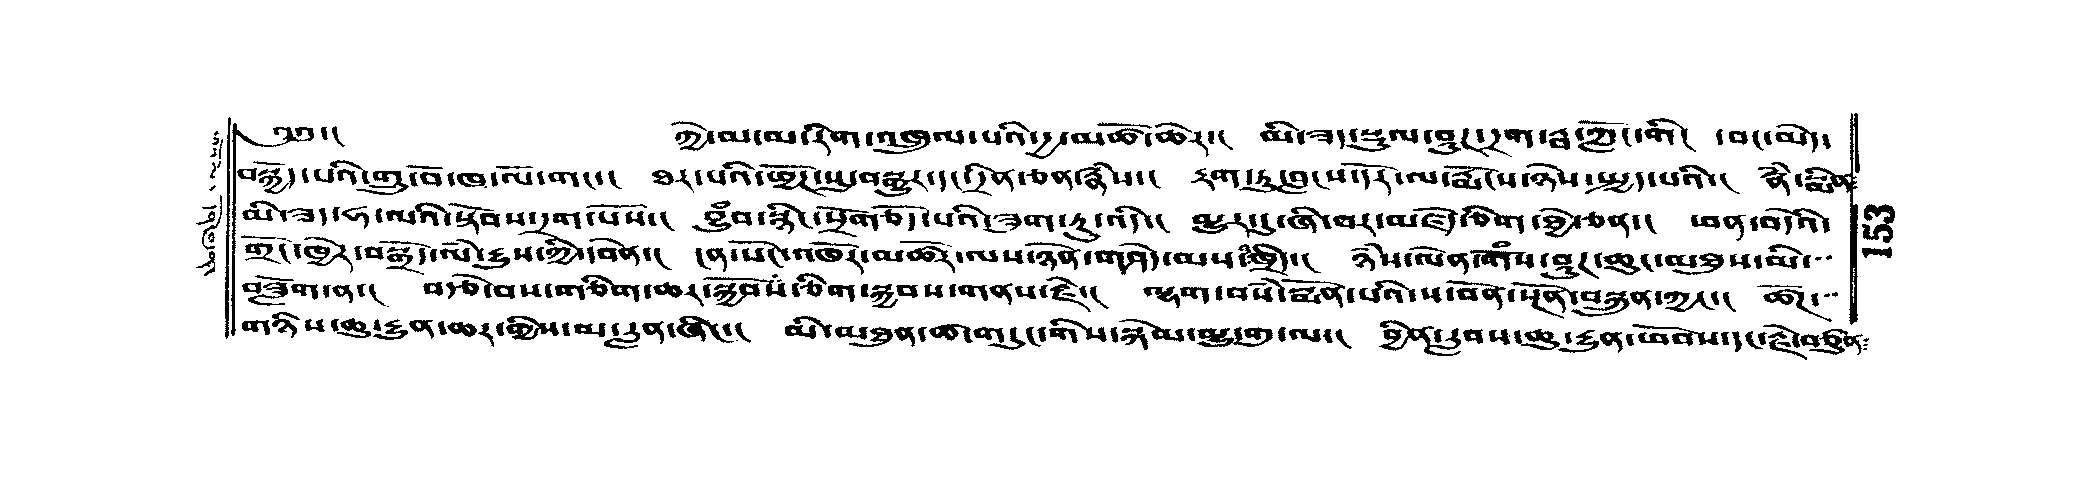།ཀྱེ་མ་མ་རིག་འཁྲུལ་པའི་རྒྱ་མཚོ་ཆེར། །མི་ཟད་སྡུག་བསྔལ་ཤུགས་དྲག་རྦ་ཀློང་གི །དབང་མེད་
བསྐྱོད་པའི་གྲུ་བོ་ཁ་ལོ་གང་། །ཐར་པའི་ཕྱོགས་སུ་བསྒྱུར་དང་དྲིན་ཅན་རྣམས། །རྟག་ཏུ་བླང་དོར་ལ་རྨོངས་ཉེས་སྤྱད་པའི། །རྣམ་སྨིན་
མི་ཟད་ཧ་ལའི་སྟོབས་དྲག་པོས། །བྱང་ཆུབ་སྙིང་སྲོག་གཅོད་པའི་ཟུག་ཏུ་འདི། །མྱུར་དུ་ཞི་བར་མཛོད་ཅིག་ཐུགས་རྗེ་ཅན། །ཕན་བདེའི་
གྲོང་ཁྱེར་བསྒྲོད་ལམ་རྒྱུས་ཀྱི་དབེན། །ངན་སོང་འཁོར་མཚོར་ལས་ཉོན་གཤེད་མས་འཁྲིད། །ཉམས་ལེན་གོམས་ཤུགས་ཆུང་མཐུས་མི་
བཟློག་ན། །བརྩེ་བས་གཅིག་ཆར་སྐྱོབ་ཅིག་སྐྱབས་གནས་རྗེ། །ལྷག་བསམ་སྨོན་པའི་ས་བོན་སྔོན་བསྐྲུན་ཀྱང་། །ཚོགས་
གཉིས་ཆུ་རྒྱུན་ཆར་གྱིས་མ་རླན་ཞིང་། །མི་མཐུན་ཚ་གདུང་གིས་སྐེམ་མྱུ་གུ་ལ། །བྱིན་རླབས་ཆུ་རྒྱུན་ཕོབས་དང་རྗེ་བཙུན་